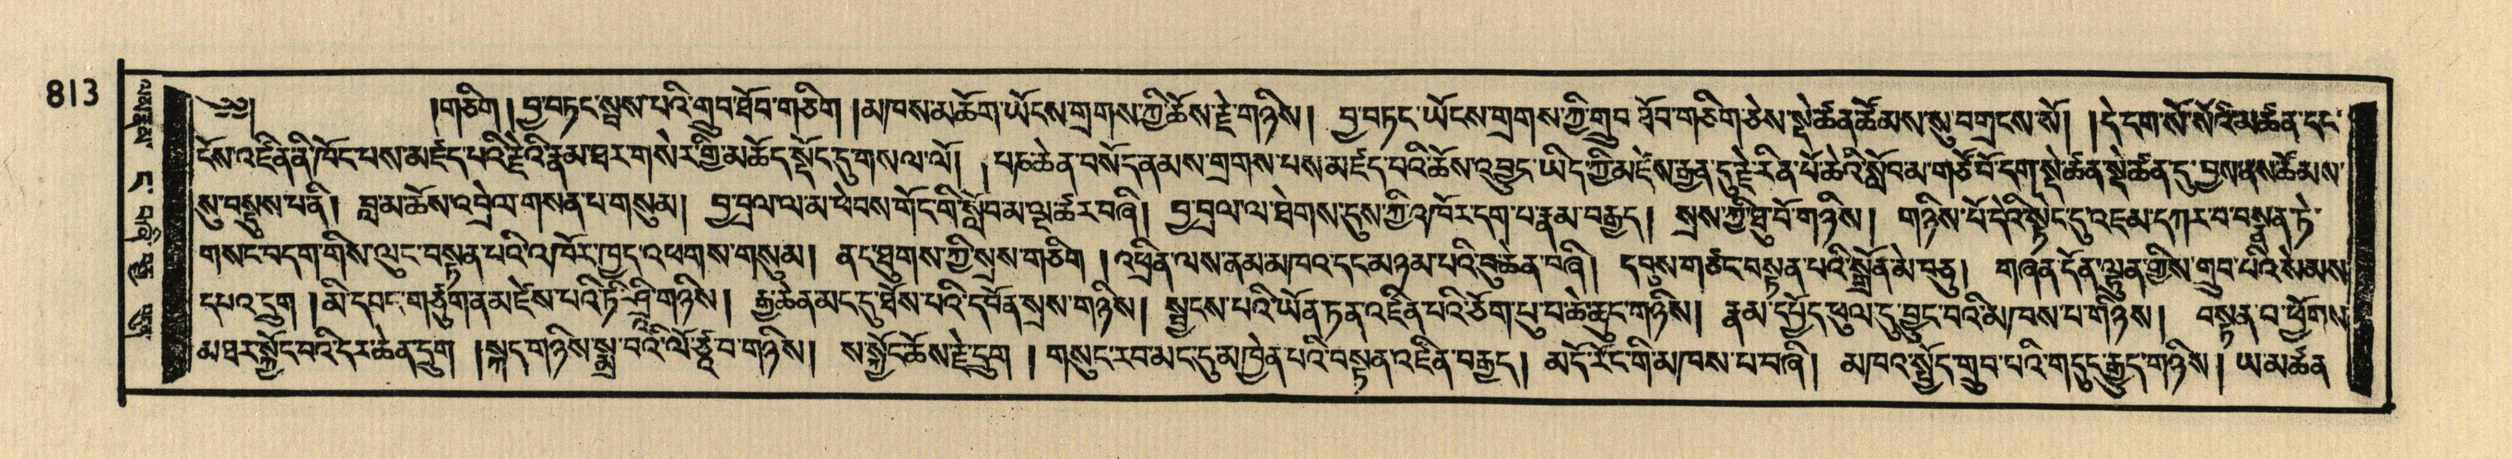༄༅། །གཅིག །བྱ་བཏང་སྦས་པའི་གྲུབ་ཐོབ་གཅིག །མཁས་མཆོག་ཡོངས་གྲགས་ཀྱི་ཆོས་རྗེ་གཉིས། བྱ་བཏང་ཡོངས་གྲགས་ཀྱི་གྲུབ་ཐོབ་གཅིག་ཅེས་སྡེ་ཚན་ཚོམས་སུ་བགྲངས་སོ། །དེ་དག་སོ་སོའི་མཚན་དང་
ངོས་འཛིན་ནི་ཁོང་པས་མཛད་པའི་རྗེའི་རྣམ་ཐར་གསེར་གྱི་མཆོད་སྡོང་དུ་གསལ་ལོ། །པཎ་ཆེན་བསོད་ནམས་གྲགས་པས་མཛད་པའི་ཆོས་འབྱུང་ཡིད་ཀྱི་མཛེས་རྒྱན་དུ་རྗེ་རིན་པོ་ཆེའི་སློབ་མ་གཙོ་བོ་དག་སྡེ་ཚན་དུ་བྱས་ནས་ཚོམས་
སུ་བསྡུས་པ་ནི། བླ་མ་ཆོས་འབྲེལ་གསན་པ་གསུམ། བྱ་བྲལ་ལ་མ་ཕེབས་གོང་གི་སློབ་མ་ལྔ་ཚར་བཞི། བྱ་བྲལ་ལ་ཐེགས་དུས་ཀྱི་འཁོར་དག་པ་རྣམ་བརྒྱད། སྲས་ཀྱི་ཐུ་བོ་གཉིས། གཉིས་པོ་དེའི་སྟེང་དུ་འཇམ་དཀར་བ་བསྣན་ཏེ་
གསང་བདག་གིས་ལུང་བསྟན་པའི་འཁོར་ཁྱད་འཕགས་གསུམ། ནང་ཐུགས་ཀྱི་སྲས་གཅིག །འཕྲིན་ལས་ནམ་མཁའ་དང་མཉམ་པའི་བུ་ཆེན་བཞི། དབུས་གཙང་བསྟན་པའི་སྒྲོན་མེ་བཅུ། གཞན་དོན་ལྷུན་གྱིས་གྲུབ་པའི་སེམས་
དཔའ་དྲུག །མི་དབང་གཙུག་ན་མཛེས་པའི་ཏི་ཤྲཱི་གཉིས། རྒྱ་ཆེན་མང་དུ་ཐོས་པའི་དབོན་སྲས་གཉིས། སྦྱངས་པའི་ཡོན་ཏན་འཛིན་པའི་ཅོག་པུ་བ་ཆེ་ཆུང་གཉིས། རྣམ་དཔྱོད་ཕུལ་དུ་བྱུང་བའི་མཁས་པ་གཉིས། བསྟན་བ་ཕྱོགས་
མཐར་སྐྱོང་བའི་དར་ཆེན་དྲུག །སྐད་གཉིས་སྨྲ་བའི་ལོ་ཙཱ་བ་གཉིས། ས་སྐྱོང་ཆོས་རྗེ་དྲུག །གསུང་རབ་མང་དུ་མཁྱེན་པའི་བསྟན་འཛིན་བརྒྱད། མདོ་རོང་གི་མཁས་པ་བཞི། མཁའ་སྤྱོད་གྲུབ་པའི་གདུང་རྒྱུད་གཉིས། ཡ་མཚན་